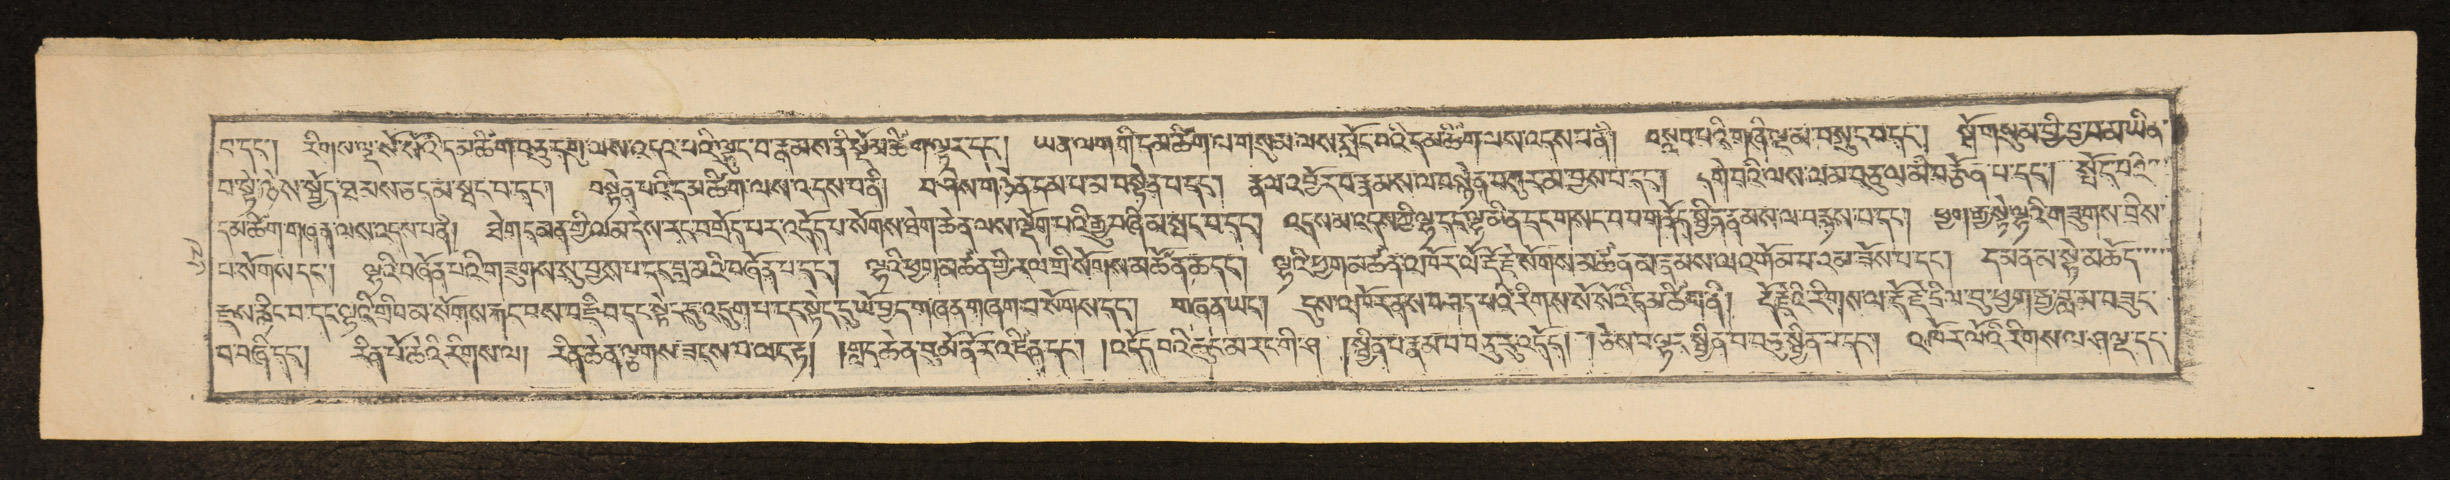བ་དང་། རིགས་ལྔ་སོ་སོའི་དམ་ཚིག་བཅུ་དགུ་ལས་འདའ་བའི་ལྟུང་བ་རྣམས་ནི་སྡོམ་ཚིག་ལྟར་དང་། ཡན་ལག་གི་དམ་ཚིག་ལ་གསུམ་ལས་སློང་བའི་དམ་ཚིག་ལས་འདས་པ་ནི། བསླབ་པའི་གཞི་ལྔ་མ་བསྲུང་བ་དང་། སྒོ་གསུམ་གྱི་བྱ་བ་མ་ཡིན་
བ་སྟེ་ཉེས་སྤྱོད་ཐམས་ཅད་མ་སྤང་བ་དང་། བསྟེན་པའི་དམ་ཚིག་ལས་འདས་པ་ནི། བཤེས་གཉེན་དམ་པ་མ་བསྟེན་པ་དང་། རྣལ་འབྱོར་བ་རྣམས་ལ་བསྙེན་བཀུར་མ་བྱས་པ་དང་། དགེ་བའི་ལས་ལམ་བཅུ་ལ་མི་བརྩོན་པ་དང་། སྤོང་བའི་
དམ་ཚིག་གཞན་ལས་འདས་པ་ནི། ཐེག་དམན་གྱི་ལམ་དེས་རང་བགྲོད་པར་འདོད་པ་སོགས་ཐེག་ཆེན་ལས་ལྡོག་པའི་རྒྱུ་བཞི་མ་སྤང་བ་དང་། འདས་མ་འདས་ཀྱི་ལྷ་དང་ལྷ་མིན་དང་གསང་བ་གནོད་སྦྱིན་རྣམས་ལ་བརྙས་བ་དང་། ཕྱག་རྒྱ་སྟེ་ལྷའི་གཟུགས་བྲིས་
པ་སོགས་དང་། ལྷའི་བཞོན་པའི་གཟུགས་སུ་བྱས་པ་དང་བླ་མའི་བཞོན་པ་དང་། ལྷའི་ཕྱག་མཚན་གྱི་རལ་གྲི་སོགས་མཚོན་ཆ་དང་། ལྷའི་ཕྱག་མཚན་འཁོར་ལོ་རྡོ་རྗེ་སོགས་མཚན་མ་རྣམས་ལ་འགོམ་པའམ་ཟོས་པ་དང་། དམན་མ་སྟེ་མཆོག་
རྫས་རྙིང་བ་དང་ལྷའི་གྲིབ་མ་སོགས་རྐང་བས་བརྗིད་བ་དང་སྟེང་དུ་འདུག་པ་དང་སྟེང་དུ་ཡོ་བྱད་གཞན་གཞག་པ་སོགས་དང་། གཞན་ཡང་། དུས་འཁོར་ནས་བཤད་པའི་རིགས་སོ་སོའི་དམ་ཚིག་ནི། རྡོ་རྗེའི་རིགས་ལ་རྡོ་རྗེ་དྲིལ་བུ་ཕྱག་རྒྱ་བླ་མ་བཟུང་
བ་བཞི་དང་། རིན་པོ་ཆེའི་རིགས་ལ། རིན་ཆེན་ལྕགས་ཟངས་བ་ལང་རྟ། །གླང་ཆེན་བུ་མོ་ནོར་འཛིན་དང་། །འདོད་པའི་ཆུང་མ་རང་གི་ཤ་།སྦྱིན་བ་རྣམ་པ་བཅུ་རུ་འདོད། །ཅེས་པ་ལྟར་སྦྱིན་པ་བཅུ་སྦྱིན་པ་དང་། འཁོར་ལོའི་རིགས་ལ་ཤ་ལྔ་དང་